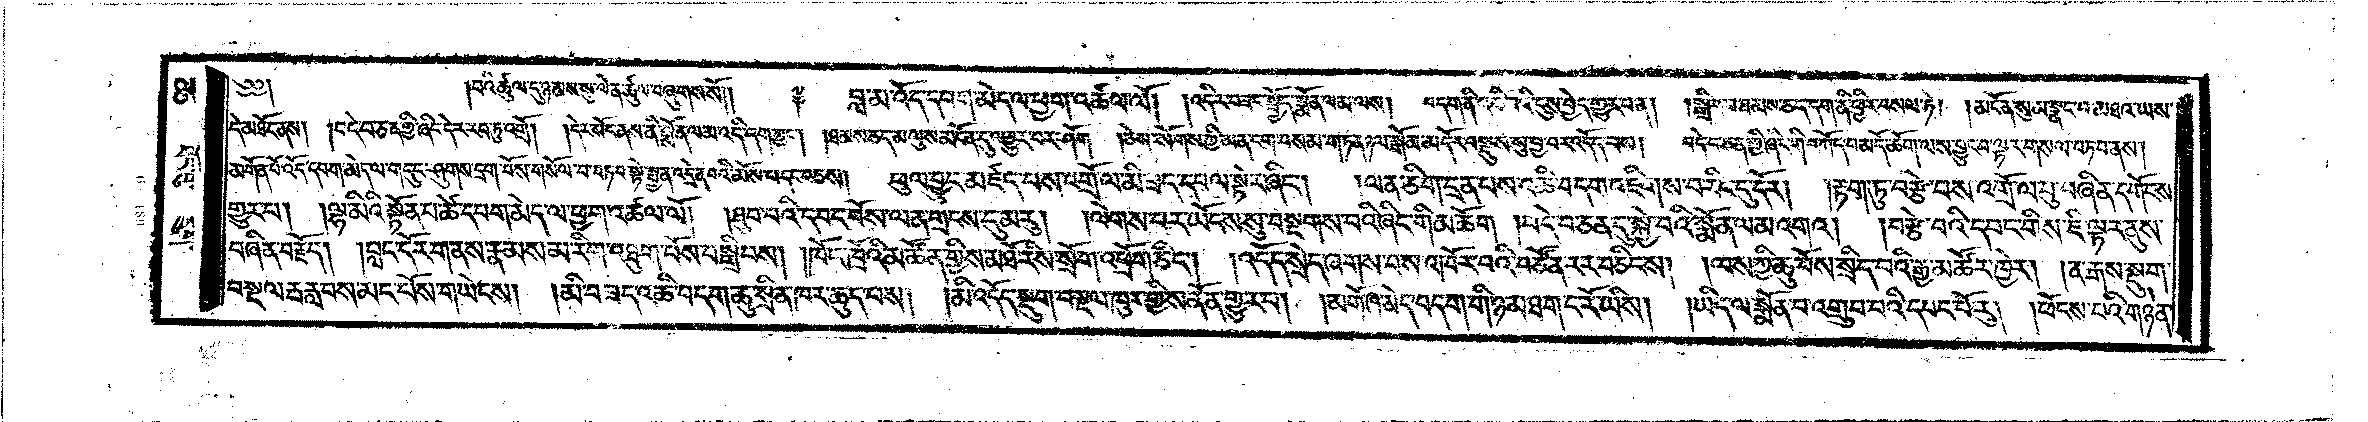༄༅། །བའི་ཚུལ་དུ་ཉམས་སུ་ལེན་ཚུལ་བཞུགས་སོ།། ༈ བླ་མ་འོད་དཔག་མེད་ལ་ཕྱག་འཚལ་ལོ། །འདིར་བཟང་སྤྱོད་སྨོན་ལམ་ལས། བདག་ནི་འཆི་བའི་དུས་བྱེད་གྱུར་པ་ན། །སྒྲིབ་བ་ཐམས་ཅད་དག་ནི་ཕྱིར་བསལ་ཏེ། །མངོན་སུམ་སྣང་བ་མཐའ་ཡས་
དེ་མཐོང་ནས། །བདེ་བ་ཅན་གྱི་ཞིང་དེར་རབ་ཏུ་འགྲོ། །དེར་སོང་ནས་ནི་སྨོན་ལམ་འདི་དག་ཀྱང་། །ཐམས་ཅད་མ་ལུས་མངོན་དུ་འགྱུར་བར་ཤོག །ཅེས་སོགས་ཀྱི་མན་ངག་བསམ་གཏན་ཉལ་སྒོམ་མདོར་བསྡུས་སུ་བྱ་བར་འདོད་བས། བདེ་བ་ཅན་གྱི་ཞིང་གི་བཀོད་པ་མདོ་ཆོག་ལས་བྱུང་བ་ལྟར་གསལ་བཏབ་ནས།
མགོན་པོ་འོད་དཔག་མེད་ལ་གདུང་ཤུགས་དྲག་པོས་གསོལ་བ་བཏབ་སྟེ་སྤྱན་འདྲེན་བའི་མོས་པ་དང་བཅས། ཕུལ་བྱུང་མཛད་པས་འགྲོ་ལ་མི་ཟད་དཔལ་སྟེར་ཞིང་། །ལན་ཅིག་དྲན་པས་འཆི་བདག་འཇིགས་པ་རིང་དུ་དོར། །རྟག་ཏུ་བརྩེ་བས་འགྲོ་ལ་བུ་བཞིན་དགོངས་
གྱུར་པ། །ལྷ་མིའི་སྟོན་པ་ཚེ་དཔག་མེད་ལ་ཕྱག་འཚལ་ལོ། །ཐུབ་བའི་དབང་པོས་ལན་གྲངས་དུ་མ་རུ། །ལེགས་པར་ཡོངས་སུ་བསྔགས་བའི་ཞིང་གི་མཆོག །བདེ་བ་ཅན་དུ་སྐྱེ་བའི་སྨོན་ལམ་འགའ། །བརྩེ་བའི་དབང་གིས་ཇི་ལྟར་ནུས་
བཞིན་བརྗོད། །བླང་དོར་གནས་རྣམས་མ་རིག་འཐུག་པོས་བསྒྲིབས། །ཁོང་ཁྲོའི་མཚོན་གྱིས་མཐོ་རིས་སྲོག་འཕྲོག་ཅིང་། །འདོད་སྲེད་ཞགས་བས་འཁོར་བའི་བཙོན་རར་བཅིངས། །ལས་ཀྱི་ཆུ་བོས་སྲིད་བའི་རྒྱ་མཚོར་ཁྱེར། །ན་རྒས་སྡུག་
བསྔལ་རྦརླབས་མང་པོས་གཡེངས། །མི་བཟད་འཆི་བདག་ཆུ་སྲིན་ཁར་ཆུད་པས། །མི་འདོད་སྡུག་བསྔལ་ཁུར་གྱིས་ནོན་གྱུར་པ། །མགོ་ཞ་མེད་བདག་གི་ཉམ་ཐག་ང་རོ་ཡིས། །ཡིད་ལ་སྨོན་པ་འགྲུབ་པའི་དབང་པོ་རུ། །ཕོངས་པའི་གཉེན་